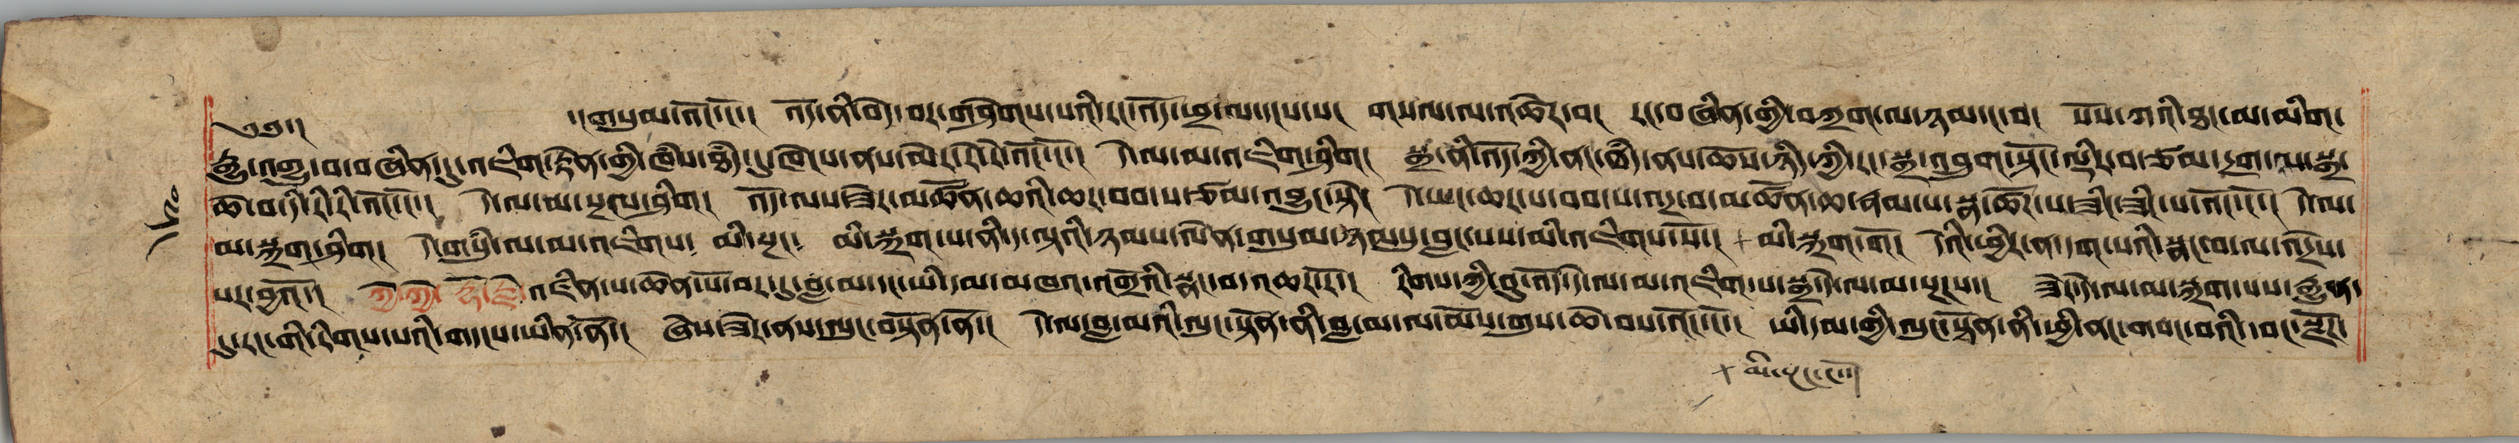༄༅་། དངགསུམ་འོང་ངོ་། འོད་ནི་བདེ་བར་གཤེགས་པའི་རང་འོད་ཕྲ་ལ་དངས་པ། གསལ་ལ་འཚེར་བ། རང་བཞིན་གྱི་བཀྲག་ལ་ཉམ་ང་བ། སོས་ཀའི་ཐང་མ་མིག་
རྒྱུ་འགྱུ་བ་བཞིན་དུ་འཇིག་རྟེན་གྱི་ཁཾས་ཐཾད་དུ་ཁེངས་ནས་མེར་རེ་རེ་འོང་ངོ་། དེ་ལ་མ་འཇིག་ཤིག། སྒྲ་ནི་འོད་ཀྱི་ནང་ཐཾད་ནས་ཆོས་ཉིད་ཀྱི་རང་སྒྲ་འབྲུག་སྟོང་ལྡིར་བ་ཙམ་དྲག་ལ་སྒྲ་
ཆེ་བ་དི་རི་རི་འོང་ངོ་། དེ་ལ་མ་སྔངས་ཤིག། འོད་ལས་ཟེར་མཚོན་ཆའི་ཆར་བབ་པ་ཙམ་འབྱུང་སྟེ། དེ་ཡང་ཆར་པ་བབ་པ་འདྲ་བ་མཚོན་ཆ་རྣམ་པ་སྣ་ཚོཌ་པ་ཟིང་ཟིང་པ་འོང་ངོ་། དེ་ལ་
མ་སྐྲག་ཤིག། དེ་གསུཾ་ལ་མ་འཇིགས༴ མི་སྔང༴ མི་སྐྲག་པ་ནི་ད་ལྟའི་ཉམས་ལེན་གསུམ་ཉམསུ་བླང་པས་མི་འཇིགས་སོ་། མི་སྐྲག་གོ། དེའི་ཕྱིར་ན་དག་པའི་སྣང་བ་ལ་འདྲེས་
པར་བྱོ་། ཀྱེ་ཀྱེ་རྡོ་རྗེ་འཛིན་པ་ཆེན་པོ་བར་དུ་བླ་མ་དང་ཡི་དམ་མཁའ་འགྲོའི་སྣང་བ་འཆར་རོ་། རིགས་ཀྱི་བུ་འོད་དེ་་ལ་མ་འཇིག་པ་སྒྲ་དེ་ལ་མ་སྔངཾཾཾས་། ཟེར་དེ་ལ་མ་སྐྲག་པས་རྒྱུན་
དུ་རང་གི་རིགས་པའི་གདངས་ཡིན་ནོ་། ཞེས་ཟེར་ནས་ལུང་བསྟོན་ནོ་། དེ་ལ་བླ་མའི་ལུང་སྟོན་ནི་བླ་མ་ལ་མོས་གུས་ཆེ་བས་འོང་ངོ་། ཡི་དམ་གྱི་ལུང་སྟོན་ནི་ཕྱི་ནང་གསང་བའི་དབང་སྫོཌ་